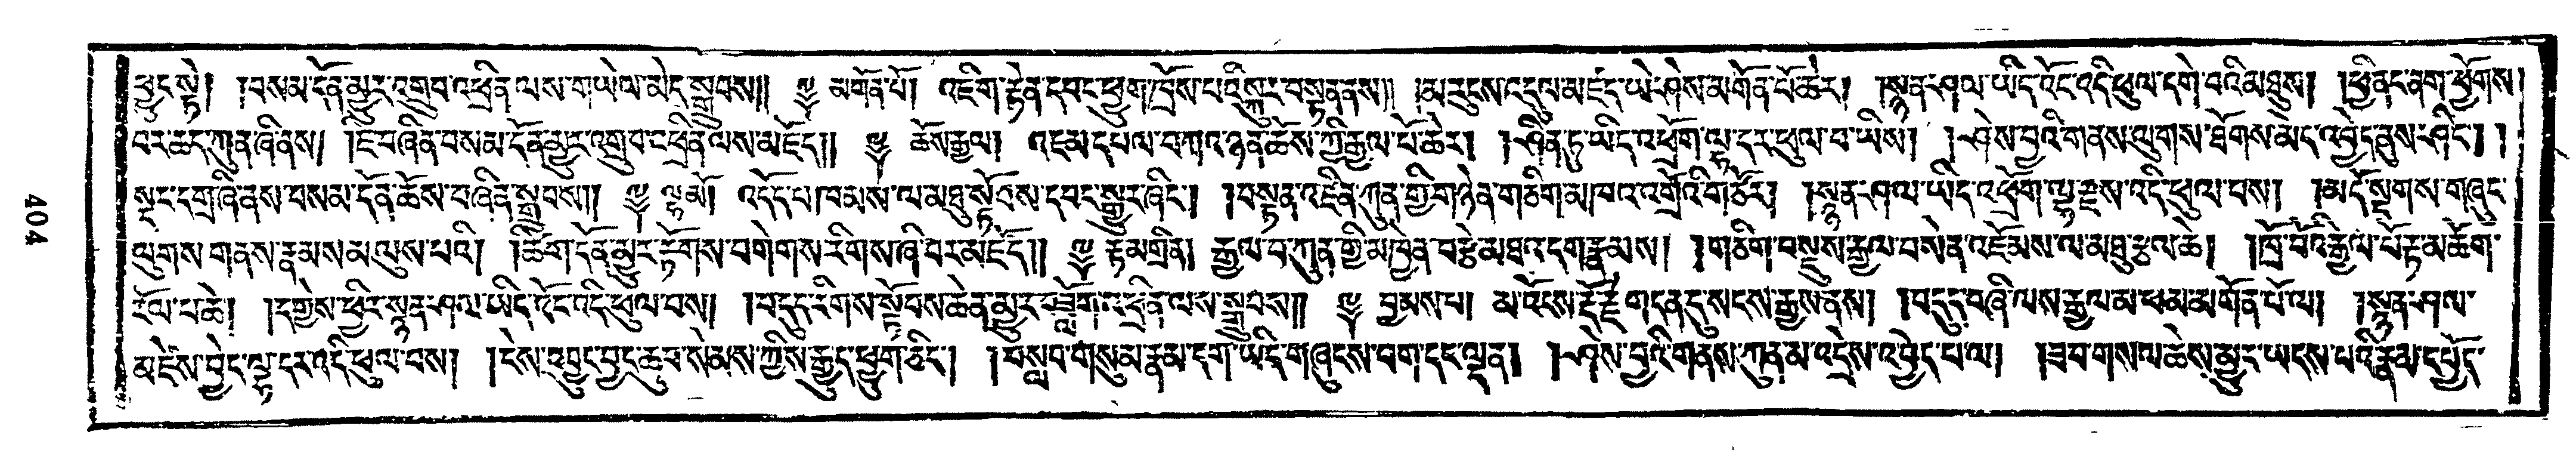ཕྱུང་སྟེ། །བསམ་དོན་མྱུར་འགྲུབ་འཕྲིན་ལས་གཡེལ་མེད་སྒྲུབས།། ༈ མགོན་པོ།  འཇིག་རྟེན་དབང་ཕྱུག་ཁྲོས་པའི་སྐུར་བསྟན་ནས།། །མ་རུངས་འདུལ་མཛད་ཡེ་ཤེས་མགོན་པོ་ཆེར། །སྙན་ཤལ་ཡིད་འོང་འདི་ཕུལ་དགེ་བའི་མཐུས། །ཕྱི་ནང་ནག་ཕྱོགས་
བར་ཆད་ཀུན་ཞི་ནས། །ཇི་བཞིན་བསམ་དོན་མྱུར་འགྲུབ་འཕྲིན་ལས་མཛོད།། ༈ ཆོས་རྒྱལ།  འཇམ་དཔལ་བཀའ་ཉན་ཆོས་ཀྱི་རྒྱལ་པོ་ཆེར། །ཤིན་ཏུ་ཡིད་འཕྲོག་ལྷ་དར་ཕུལ་བ་ཡིས། །ཤེས་བྱའི་གནས་ལུགས་ཐོགས་མེད་འབྱེད་ནུས་ཤིང་། །
སྡང་དགྲ་ཞི་ནས་བསམ་དོན་ཆོས་བཞིན་སྒྲུབས།། ༈ ལྷ་མོ།  འདོད་པ་ཁམས་ལ་མཐུ་སྟོབས་དབང་སྒྱུར་ཞིག། །བསྟན་འཛིན་ཀུན་གྱི་གཉེན་གཅིག་མཁའ་འགྲོའི་གཙོར། །སྙན་ཤལ་ཡིད་འཕྲོག་ལྷ་རྫས་འདི་ཕུལ་བས། །མདོ་སྔགས་གཞུང་
ལུགས་གནས་རྣམས་མ་ལུས་པའི། །ཚིག་དོན་མྱུར་རྟོགས་བགེགས་རིགས་ཞི་བར་མཛོད།། ༈ རྟ་མགྲིན།  རྒྱལ་བ་ཀུན་གྱི་མཁྱེན་བརྩེ་མཐའ་དག་རྣམས། །གཅིག་བསྡུས་རྒྱལ་བསྲེན་འཇོམས་ལ་མཐུ་རྩལ་ཆེ། །ཁྲོ་བོའི་རྒྱལ་པོ་རྟ་མཆོག་
རོལ་པ་ཆེ། །དགྱེས་ཕྱིར་སྙན་ཤལ་ཡིད་འོང་འདི་ཕུལ་བས། །བདུད་རིགས་སྟོབས་ཆེན་མྱུར་བཟློག་འཕྲིན་ལས་སྒྲུབས།། ༈ བྱམས་པ།  མ་འོངས་རྡོ་རྗེ་གདན་དུ་སངས་རྒྱས་ནས། །བདུད་བཞི་ལས་རྒྱལ་མ་ཕམ་མགོན་པོ་ལ། །སྙན་ཤལ་
མཛེས་བྱེད་ལྷ་དར་འདི་ཕུལ་བས། །ངེས་འབྱུང་བྱང་ཆུབ་སེམས་ཀྱིས་རྒྱུད་ཕྱུག་ཅིང་། །བསླབ་གསུམ་རྣམ་དག་ཡིད་གཞུངས་བག་དང་ལྡན། །ཤེས་བྱའི་གནས་ཀུན་མ་འདྲེས་འབྱེད་པ་ལ། །ཟབ་གསལ་ཆེས་མྱུར་ཡངས་པའི་རྣམ་དཔྱོད་